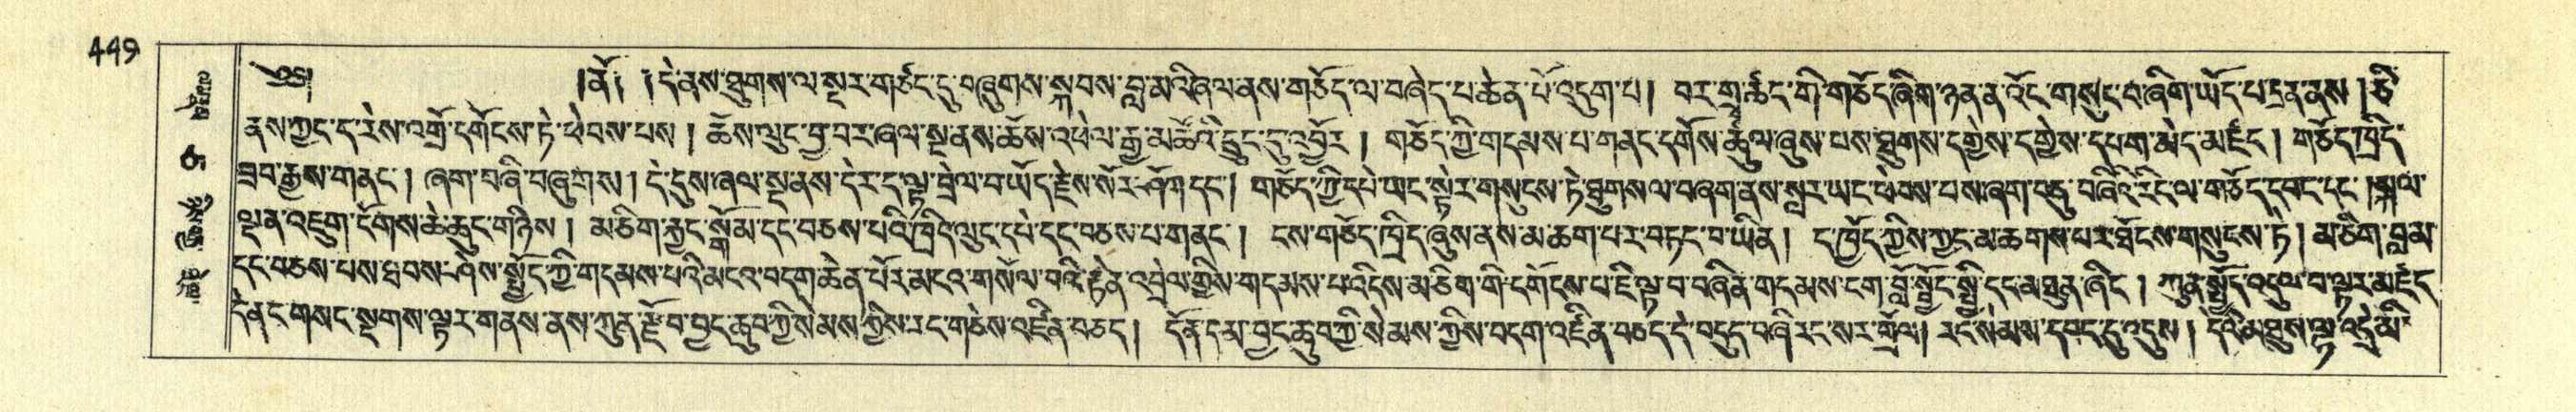༄༅། །ནོ༑ ༑དེ་ནས་ཐུགས་ལ་སྔར་གཙང་དུ་བཞུགས་སྐབས་བླ་མའི་ཞལ་ནས་གཅོད་ལ་བཞེད་པ་ཆེན་པོ་འདུག་པ། བར་གྲྭ་ཚང་གི་གཅོད་ཞིག་ཉན་ན་འོང་གསུང་བ་ཞིག་ཡོད་པ་དྲན་ནས་།ཅི་
ནས་ཀྱང་ད་རེས་འགྲོ་དགོངས་ཏེ་ཕེབས་པས། ཆོས་ལུང་བྱ་བར་ཞལ་སྔ་ནས་ཆོས་འཕེལ་རྒྱ་མཚོའི་དྲུང་དུ་འབྱོར། གཅོད་ཀྱི་གདམས་པ་གནང་དགོས་ཚུལ་ཞུས་པས་ཐུགས་དགྱེས་དགྱེས་དཔག་མེད་མཛད། གཅོད་ཁྲིད་
ཟབ་རྒྱས་གནང་། ཞག་བཞི་བཞུགས། དེ་དུས་ཞལ་སྔ་ནས་དེར་ད་ལྟ་བྲེལ་བ་ཡོད་རྗེས་སོར་ཤོག་དང་། གཅོད་ཀྱི་དཔེ་ཡང་སྟེར་གསུངས་ཏེ་ཐུགས་ལ་བཞག་ནས་སླར་ཡང་ཕེབས་པས་ཞག་བཅུ་བཞིའི་རིང་ལ་གཅོད་དབང་དང་།སྐལ་
ལྡན་འཇུག་དོགས་ཆེ་ཆུང་གཉིས། མ་ཅིག་རྐྱང་སྒོམ་དང་བཅས་པའི་ཁྲིད་ལུང་དཔེ་དང་བཅས་པ་གནང་། ངས་གཅོད་ཁྲིད་ཞུས་ནས་མ་ཆག་པར་བཏང་བ་ཡིན། ང་ཁྱོད་ཀྱིས་ཀྱང་མ་ཆགས་པར་ཐོངས་གསུངས་ཏེ། མ་ཅིག་བླ་མ་
དང་བཅས་པས་ཐབས་ཤེས་སྤྱོད་ཀྱི་གདམས་པའི་མངའ་བདག་ཆེན་པོར་མངའ་གསོལ་བའི་རྟེན་འབྲེལ་གྱིས་གདམས་པ་འདིས་མ་ཅིག་གི་དགོངས་པ་ཇི་ལྟ་བ་བཞིན་གདམས་ངག་བློ་སྦྱོང་སྤྱི་དང་མཐུན་ཞིང་། ཀུན་སྤྱོད་འདུལ་བ་ལྟར་མཛད་
དེ་ནང་གསང་སྔགས་ལྟར་གནས་ནས་ཀུན་རྫོབ་བྱང་ཆུབ་ཀྱི་སེམས་ཀྱིས་རང་གཅེས་འཛིན་བཅད། དོན་དམ་བྱང་ཆུབ་ཀྱི་སེམས་ཀྱིས་བདག་འཛིན་བཅད་དེ་བདུད་བཞི་རང་སར་གྲོལ། རང་སེམས་དབང་དུ་འདུས། དེའི་མཐུས་ལྷ་འདྲེ་མི་